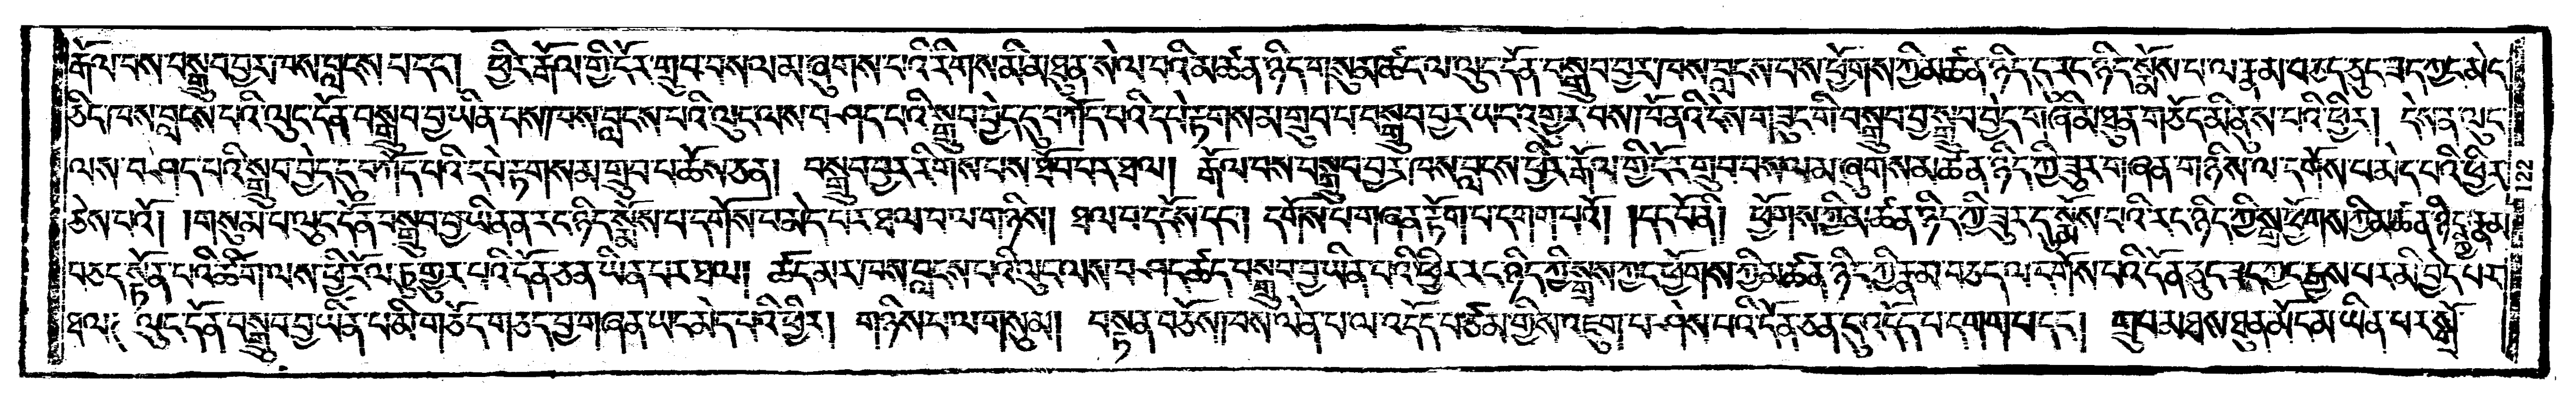རྒོལ་པས་བསྒྲུབ་བྱར་ཁས་བླངས་པ་དང་། ཕྱིར་རྒོལ་གྱི་དོར་གྲུབ་བསལ་མ་ཞུགས་པའི་རིགས་མི་མཐུན་སེལ་བའི་མཚན་ཉིད་གསུམ་ཚང་ལ་ལུང་དོན་བསྒྲུབ་བྱར་ཁས་བླངས་པས་ཕྱོགས་ཀྱི་མཚན་ཉིད་དུ་རང་ཉིད་སྨོས་པ་ལ་རྣམ་བཅད་ཅུང་ཟད་ཀྱང་མེད་
ཅིང་ཁས་བླངས་པའི་ལུང་དོན་བསྒྲུབ་བྱ་ཡིན་པས་ཁས་བླངས་པའི་ལུང་ལས་བཤད་པའི་སྒྲུབ་བྱེད་དུ་བཀོད་པའི་དཔེ་རྟགས་མ་གྲུབ་པ་བསྒྲུབ་བྱར་ཡང་འགྱུར་པས་ཁོ་ནའི་ངེས་གཟུང་གི་བསྒྲུབ་བྱ་སྒྲུབ་བྱེད་གཞི་མཐུན་གཅོད་མི་ནུས་པའི་ཕྱིར། དེས་ན་ལུང་
ལས་བཤད་པའི་སྒྲུབ་བྱེད་དུ་བཀོད་པའི་དཔེ་རྟགས་མ་གྲུབ་པ་ཆོས་ཅན། བསྒྲུབ་བྱར་རིགས་པས་ཐོབ་པར་ཐལ། རྒོལ་བས་བསྒྲུབ་བྱར་ཁས་བླངས་ཕྱིར་རྒོལ་གྱི་དོར་གྲུབ་བསལ་མ་ཞུགས་མཚན་ཉིད་ཀྱི་ཟུར་གཞན་གཉིས་ལ་དགོས་པ་མེད་པའི་ཕྱིར་
ཅེས་པའོ། །གསུམ་པ་ལུང་དོན་བསྒྲུབ་བྱ་ཡིན་ན་རང་ཉིད་སྨོས་པ་དགོས་པ་མེད་པར་ཐལ་བ་ལ་གཉིས། ཐལ་བ་དངོས་དང་། དགོས་པ་གཞན་རྟོག་པ་དགག་པའོ། །དང་པོ་ནི། ཕྱོགས་ཀྱི་མཚན་ཉིད་ཀྱི་ཟུར་དུ་སྨོས་པའི་རང་ཉིད་ཀྱི་སྒྲ་ཕྱོགས་ཀྱི་མཚན་ཉིད་ཀྱི་རྣམ་
བཅད་སྟོན་པའི་ཚིག་ལས་ཕྱི་རོལ་ཏུ་གྱུར་པའི་དོན་ཅན་ཡིན་པར་ཐལ། ཚད་མར་ཁས་བླངས་པའི་ལུང་ལས་བཤད་ཚད་བསྒྲུབ་བྱ་ཡིན་པའི་ཕྱིར་རང་ཉིད་ཀྱི་སྒྲས་ཀྱང་ཕྱོགས་ཀྱི་མཚན་ཉིད་ཀྱི་རྣམ་བཅད་ལ་དགོས་པའི་དོན་ཅུང་ཟད་ཀྱང་རྒྱས་པར་མི་བྱེད་པར་
ཐལ༑ ལུང་དོན་བསྒྲུབ་བྱ་ཡིན་པ་མི་གཅོད་གཅད་བྱ་གཞན་ཡང་མེད་པའི་ཕྱིར། གཉིས་པ་ལ་གསུམ། བསྟན་བཅོས་ཁས་ལེན་པ་ལ་འདོད་པ་ཙམ་གྱིས་འཇུག་པ་ཤེས་པའི་དོན་ཅན་དུ་འདོད་པ་དགག་པ་དང་། གྲུབ་མཐས་ཐུན་མོང་མ་ཡིན་པར་སྒྲོ་